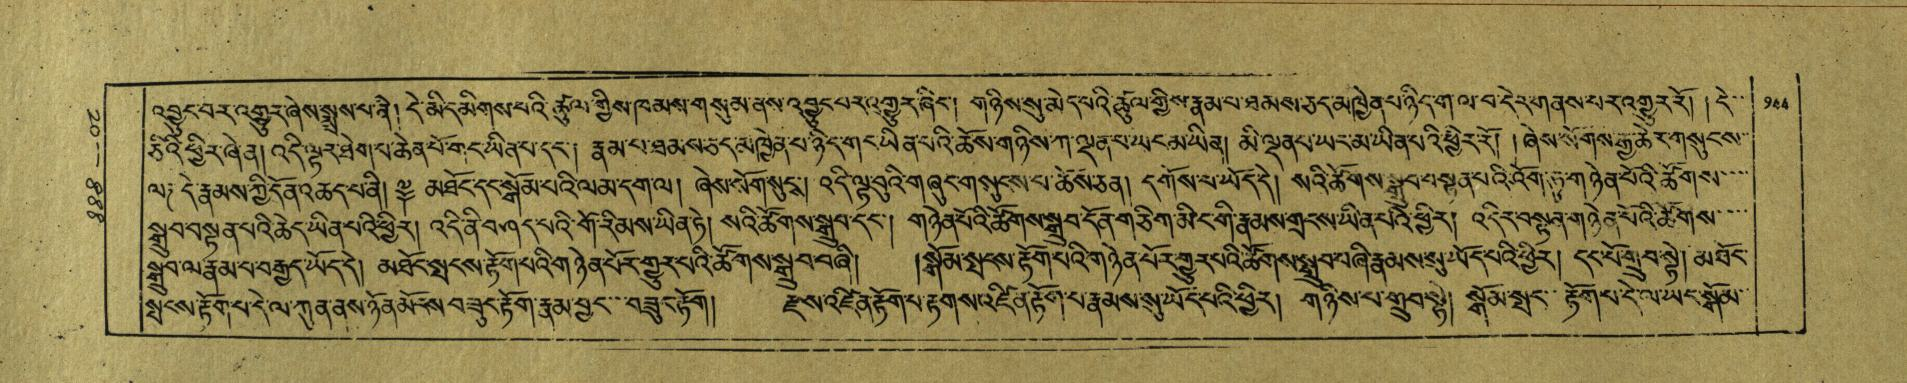འབྱུང་བར་འགྱུར་ཞེས་སྨྲས་པ་ནི། དེ་མི་དམིགས་པའི་ཚུལ་གྱིས་ཁམས་གསུམ་ནས་འབྱུང་བར་འགྱུར་ཞིང་། གཉིས་སུ་མེད་པའི་ཚུལ་གྱིས་རྣམ་པ་ཐམས་ཅད་མཁྱེན་པ་ཉིད་ག་ལ་བ་དེར་གནས་པར་འགྱུར་རོ། །དེ་
ཅིའི་ཕྱིར་ཞེ་ན། འདི་ལྟར་ཐེག་ཆེན་པོ་གང་ཡིན་པ་དང་། རྣམ་པ་ཐམས་ཅད་མཁྱེན་པ་ཉིད་གང་ཡིན་པའི་ཆོས་གཉིས་ཀ་ལྡན་པ་ཡང་མ་ཡིན། མི་ལྡན་པ་ཡང་མ་ཡིན་པའི་ཕྱིར་རོ། །ཞེས་སོགས་རྒྱ་ཆེར་གསུངས་
ལ༑ དེ་རྣམས་ཀྱི་དོན་འཆད་པ་ནི། ༈ མཐོང་དང་སྒོམ་པའི་ལམ་དག་ལ། ཞེས་སོགས་སུངས། འདི་ལྟ་བུའི་གཞུང་གསུངས་པ་ཆོས་ཅན། དགོས་པ་ཡོད་དེ། སའི་ཚོགས་སྒྲུབ་བསྟན་པའི་འོག་ཏུ་གཉེན་པོའི་ཚོགས་
སྒྲུབ་བསྟན་པའི་ཆེད་ཡིན་པའི་ཕྱིར། འདི་ནི་བཤད་པའི་གོ་རིམས་ཡིན་ཏེ། སའི་ཚོགས་སྒྲུབ་དང་། གཉེན་པོའི་ཚོགས་སྒྲུབ་དོན་གཅིག་མིང་གི་རྣམ་གྲངས་ཡིན་པའི་ཕྱིར། འདིར་བསྟན་གཉེན་པོའི་ཚོགས་
སྒྲུབ་ལ་རྣམ་པ་བརྒྱད་ཡོད་དེ། མཐོང་སྤངས་རྟོག་པའི་གཉེན་པོར་གྱུར་པའི་ཚོགས་སྒྲུབ་བཞི། །སྒོམ་སྤངས་རྟོག་པའི་གཉེན་པོར་གྱུར་པའི་ཚོགས་སྒྲུབ་བཞི་རྣམས་སུ་ཡོད་པའི་ཕྱིར། དང་པོ་གྲུབ་སྟེ། མཐོང་
སྤངས་རྟོག་པ་དེ་ལ་ཀུན་ནས་ཉོན་མོངས་བཟུང་རྟོག་རྣམ་བྱང་བཟུང་རྟོག། རྫས་འཛིན་རྟོག་པ་རྟགས་འཛིན་རྟོག་པ་རྣམས་སུ་ཡོད་པའི་ཕྱིར། གཉིས་པ་གྲུབ་སྟེ། སྒོམ་སྤང་རྟོག་པ་དེ་ལ་ཡང་སྒོམ་